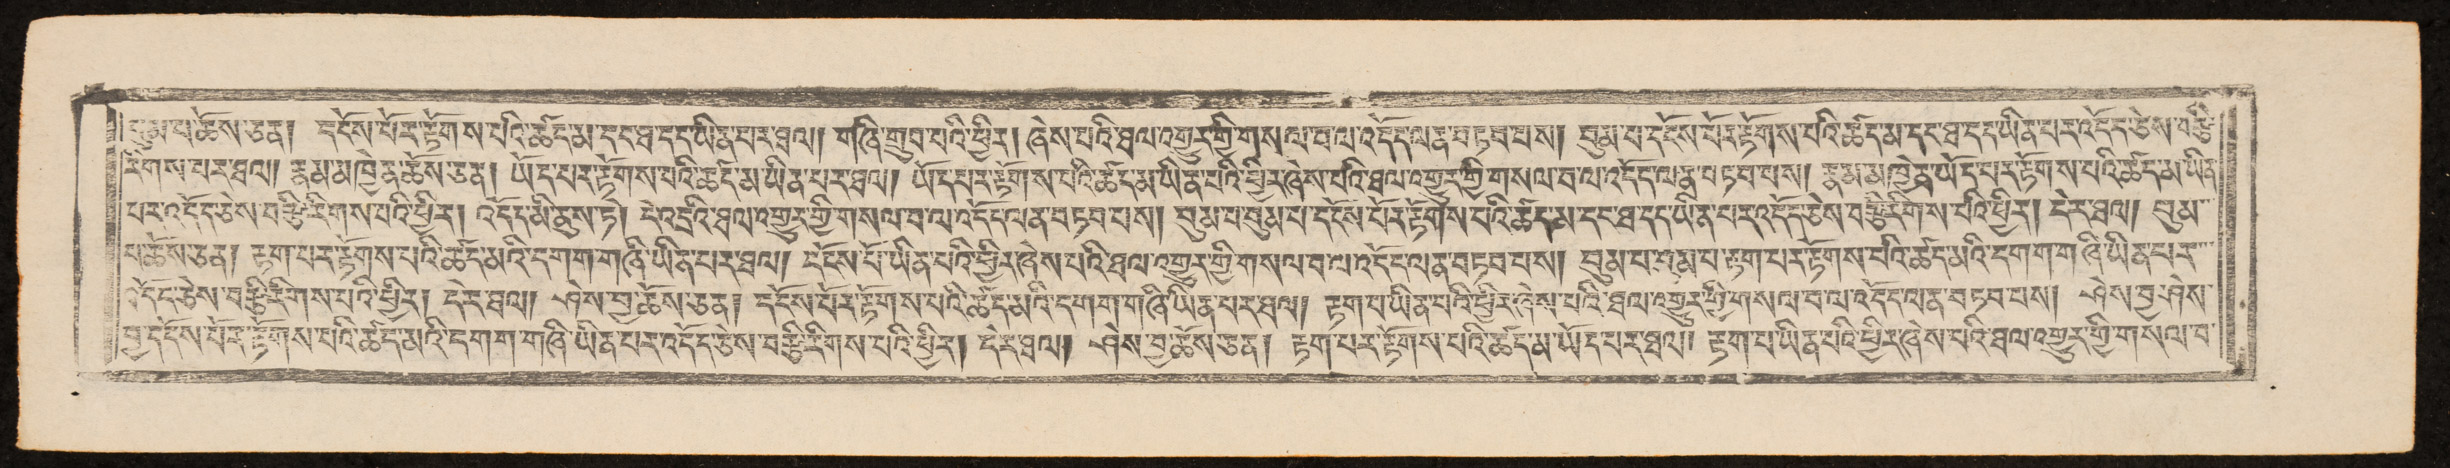བུམ་པ་ཆོས་ཅན། དངོས་པོར་རྟོགས་པའི་ཚད་མ་དང་ཐ་དད་ཡིན་པར་ཐལ། གཞི་གྲུབ་པའི་ཕྱིར། ཞེས་པའི་ཐལ་འགྱུར་གྱི་གསལ་བ་ལ་འདོད་ལན་བཏབ་པས། བུམ་པ་དངོས་པོར་རྟོགས་པའི་ཚད་མ་དང་ཐ་དད་ཡིན་པར་འདོད་ཅེས་བརྩི་
རིགས་པར་ཐལ། རྣམ་མཁྱེན་ཆོས་ཅན། ཡོད་པར་རྟོགས་པའི་ཚད་མ་ཡིན་པར་ཐལ། ཡོད་པར་རྟོགས་པའི་ཚད་མ་ཡིན་པའི་ཕྱིར་ཞེས་པའི་ཐལ་འགྱུར་གྱི་གསལ་བ་ལ་འདོད་ལན་བཏབ་པས། རྣམ་མཁྱེན་ཡོད་པར་རྟོགས་པའི་ཚད་མ་ཡིན་
པར་འདོད་ཅེས་བརྩི་རིགས་པའི་ཕྱིར། འདོད་མི་ནུས་ཏེ། དེ་འདྲའི་ཐལ་འགྱུར་གྱི་གསལ་བ་ལ་འདོད་ལན་བཏབ་པས། བུམ་པ་བུམ་པ་དངོས་པོར་རྟོགས་པའི་ཚད་མ་དང་ཐ་དད་ཡིན་པར་འདོད་ཅེས་བརྩི་རིགས་པའི་ཕྱིར། དེར་ཐལ། བུམ་
པ་ཆོས་ཅན། རྟག་པར་རྟོགས་པའི་ཚད་མའི་དགག་གཞི་ཡིན་པར་ཐལ། དངོས་པོ་ཡིན་པའི་ཕྱིར་ཞེས་པའི་ཐལ་འགྱུར་གྱི་གསལ་བ་ལ་འདོད་ལན་བཏབ་པས། བུམ་པ་བུམ་པ་རྟག་པར་རྟོགས་པའི་ཚད་མའི་དགག་གཞི་ཡིན་པར་
འདོད་ཅེས་བརྩི་རིགས་པའི་ཕྱིར། དེར་ཐལ། ཤེས་བྱ་ཆོས་ཅན། དངོས་པོར་རྟོགས་པའི་ཚད་མའི་དགག་གཞི་ཡིན་པར་ཐལ། རྟག་པ་ཡིན་པའི་ཕྱིར་ཞེས་པའི་ཐལ་འགྱུར་གྱི་གསལ་བ་ལ་འདོད་ལན་བཏབ་པས། ཤེས་བྱ་ཤེས་
བྱ་དངོས་པོར་རྟོགས་པའི་ཚད་མའི་དགག་གཞི་ཡིན་པར་འདོད་ཅེས་བརྩི་རིགས་པའི་ཕྱིར། དེར་ཐལ། ཤེས་བྱ་ཆོས་ཅན། རྟག་པར་རྟོགས་པའི་ཚད་མ་ཡོད་པར་ཐལ། རྟག་པ་ཡིན་པའི་ཕྱིར་ཞེས་པའི་ཐལ་འགྱུར་གྱི་གསལ་བ་